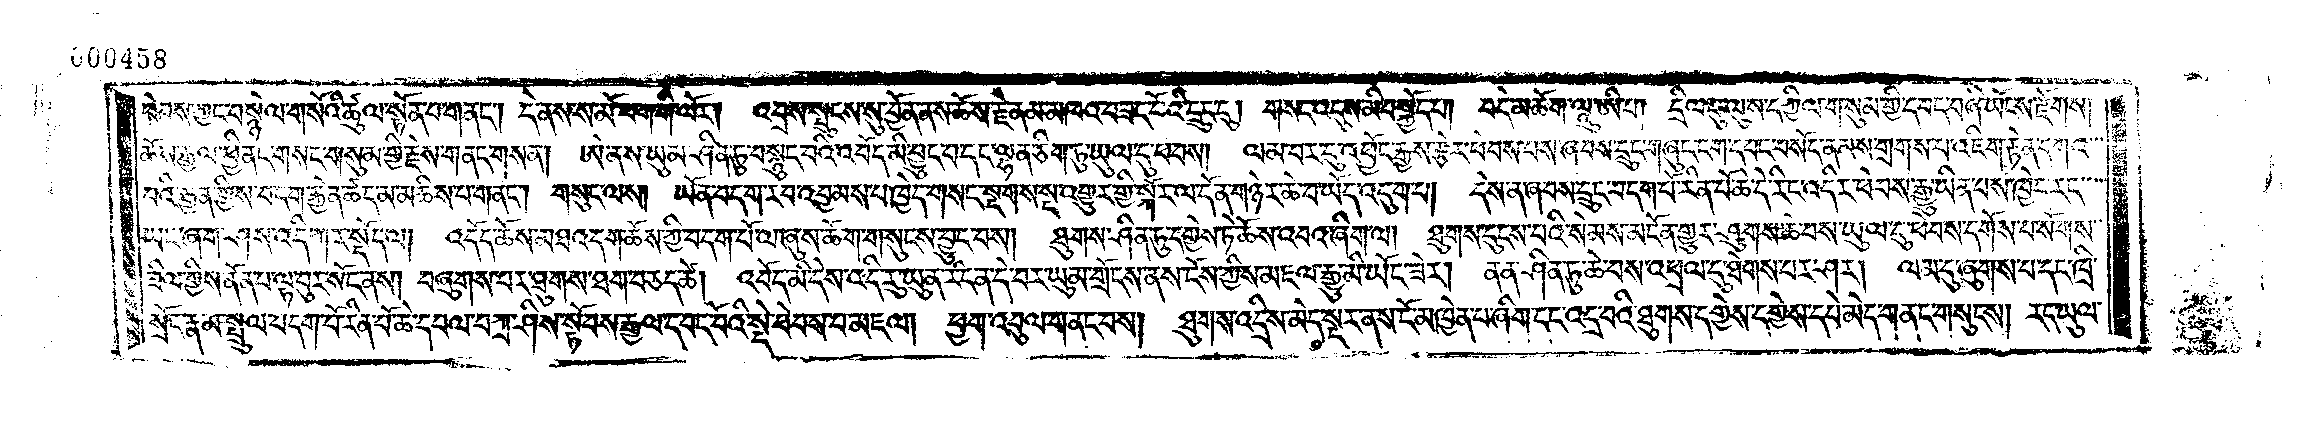ཕེབས་ཀྱང་བསྙེལ་གསོའི་ཚུལ་སྟོན་པ་གནང་། དེ་ནས་ས་མོ་ཕག་གི་ལོར། འབྲས་སྤུངས་སུ་བྱོན་ནས་ཆོས་རྗེ་ནམ་མཁའ་བཟང་པོའི་དྲུང་དུ། གསང་འདུས་མི་བསྐྱོད་པ། བདེ་མཆོག་ལཱུ་ཨི་པ། དྲིལ་བུ་ལུས་དཀྱིལ་གསུམ་གྱི་དབང་བཞི་ཡོངས་རྫོགས།
ཆོས་རྒྱལ་ཕྱི་ནང་གསང་གསུམ་གྱི་རྗེས་གནང་གསན། ཨེ་ནས་ཡུམ་ཤིན་ཏུ་བསྙུང་བའི་འབོད་མི་བྱུང་བ་དང་ལྷན་ཅིག་ཏུ་ཡུལ་དུ་ཕེབས། ལམ་བར་དུ་འཕྱོང་རྒྱས་རྩེར་ཕེབས་པས་ཞབས་དྲུང་གཞུང་ངག་དབང་བསོད་ནམས་གྲངས་པ་འཇིག་རྟེན་དགའ་
བའི་རྒྱན་གྱིས་བདག་རྐྱེན་ཚང་མ་མཆིས་པ་གནང་། གསུང་ལས། ཡོན་བདག་རབ་འབྱམས་པ་ཁྱེད་གསང་སྔགས་སྔ་འགྱུར་གྱི་སྐོར་ལ་དོན་གཉེར་ཆེ་བ་ཡོད་འདུག་པ། དེས་ན་ཞབས་དྲུང་བདག་པོ་རིན་པོ་ཆེ་དེ་རིང་འདིར་ཕེབས་རྒྱུ་ཡིན་པས་ཁྱེད་རང་
ཡང་ཞག་ཤས་འདི་ཀར་སྡོད་ལ། འདོད་ཆོས་མཐའ་དག་ཆོས་ཀྱི་བདག་པོ་ལ་ཞུས་ཆོག་གསུངས་བྱུང་བས། ཐུགས་ཤིན་ཏུ་དགྱེས་ཏེ་ཆོས་འབའ་ཞིག་ལ། ཐུགས་དུངས་བའི་སེམས་མངོན་གྱུར་ཤུགས་ཆེ་བས་ཡུལ་དུ་ཕེབས་དགོས་པ་སོགས་
ཟིལ་གྱིས་ནོན་པ་ལྟ་བུར་སོང་ནས། བཞུགས་པར་ཐུགས་ཐག་བཅད་ཚེ། འབོད་མི་དེས་འདི་རུ་ཡུན་རིང་ན་དེ་བར་ཡུམ་གྲོངས་ནས་ངོས་ཀྱིས་མཇལ་རྒྱུ་མི་ཡོང་ཟེར། ནན་ཤིན་ཏུ་ཆེ་བས་འཕྲལ་དུ་ཐེགས་པར་ཤར། ལམ་དུ་ཞུགས་པ་དང་ཁྲི་
སྲོང་རྣམ་སྤྲུལ་བདག་པོ་རིན་པོ་ཆེ་དཔལ་བཀྲ་ཤིས་སྟོབས་རྒྱལ་དབང་པོའི་སྡེ་ཕེབས་པ་མཇལ། ཕྱག་འབུལ་གནང་བས། ཐུགས་འདྲིས་མེད་སྔར་ནས་ངོ་མཁྱེན་བ་ཞིག་དང་འདྲ་བའི་ཐུགས་དགྱེས་དགྱེས་དཔེ་མེད་གནང་གསུངས། རང་ཡུལ་